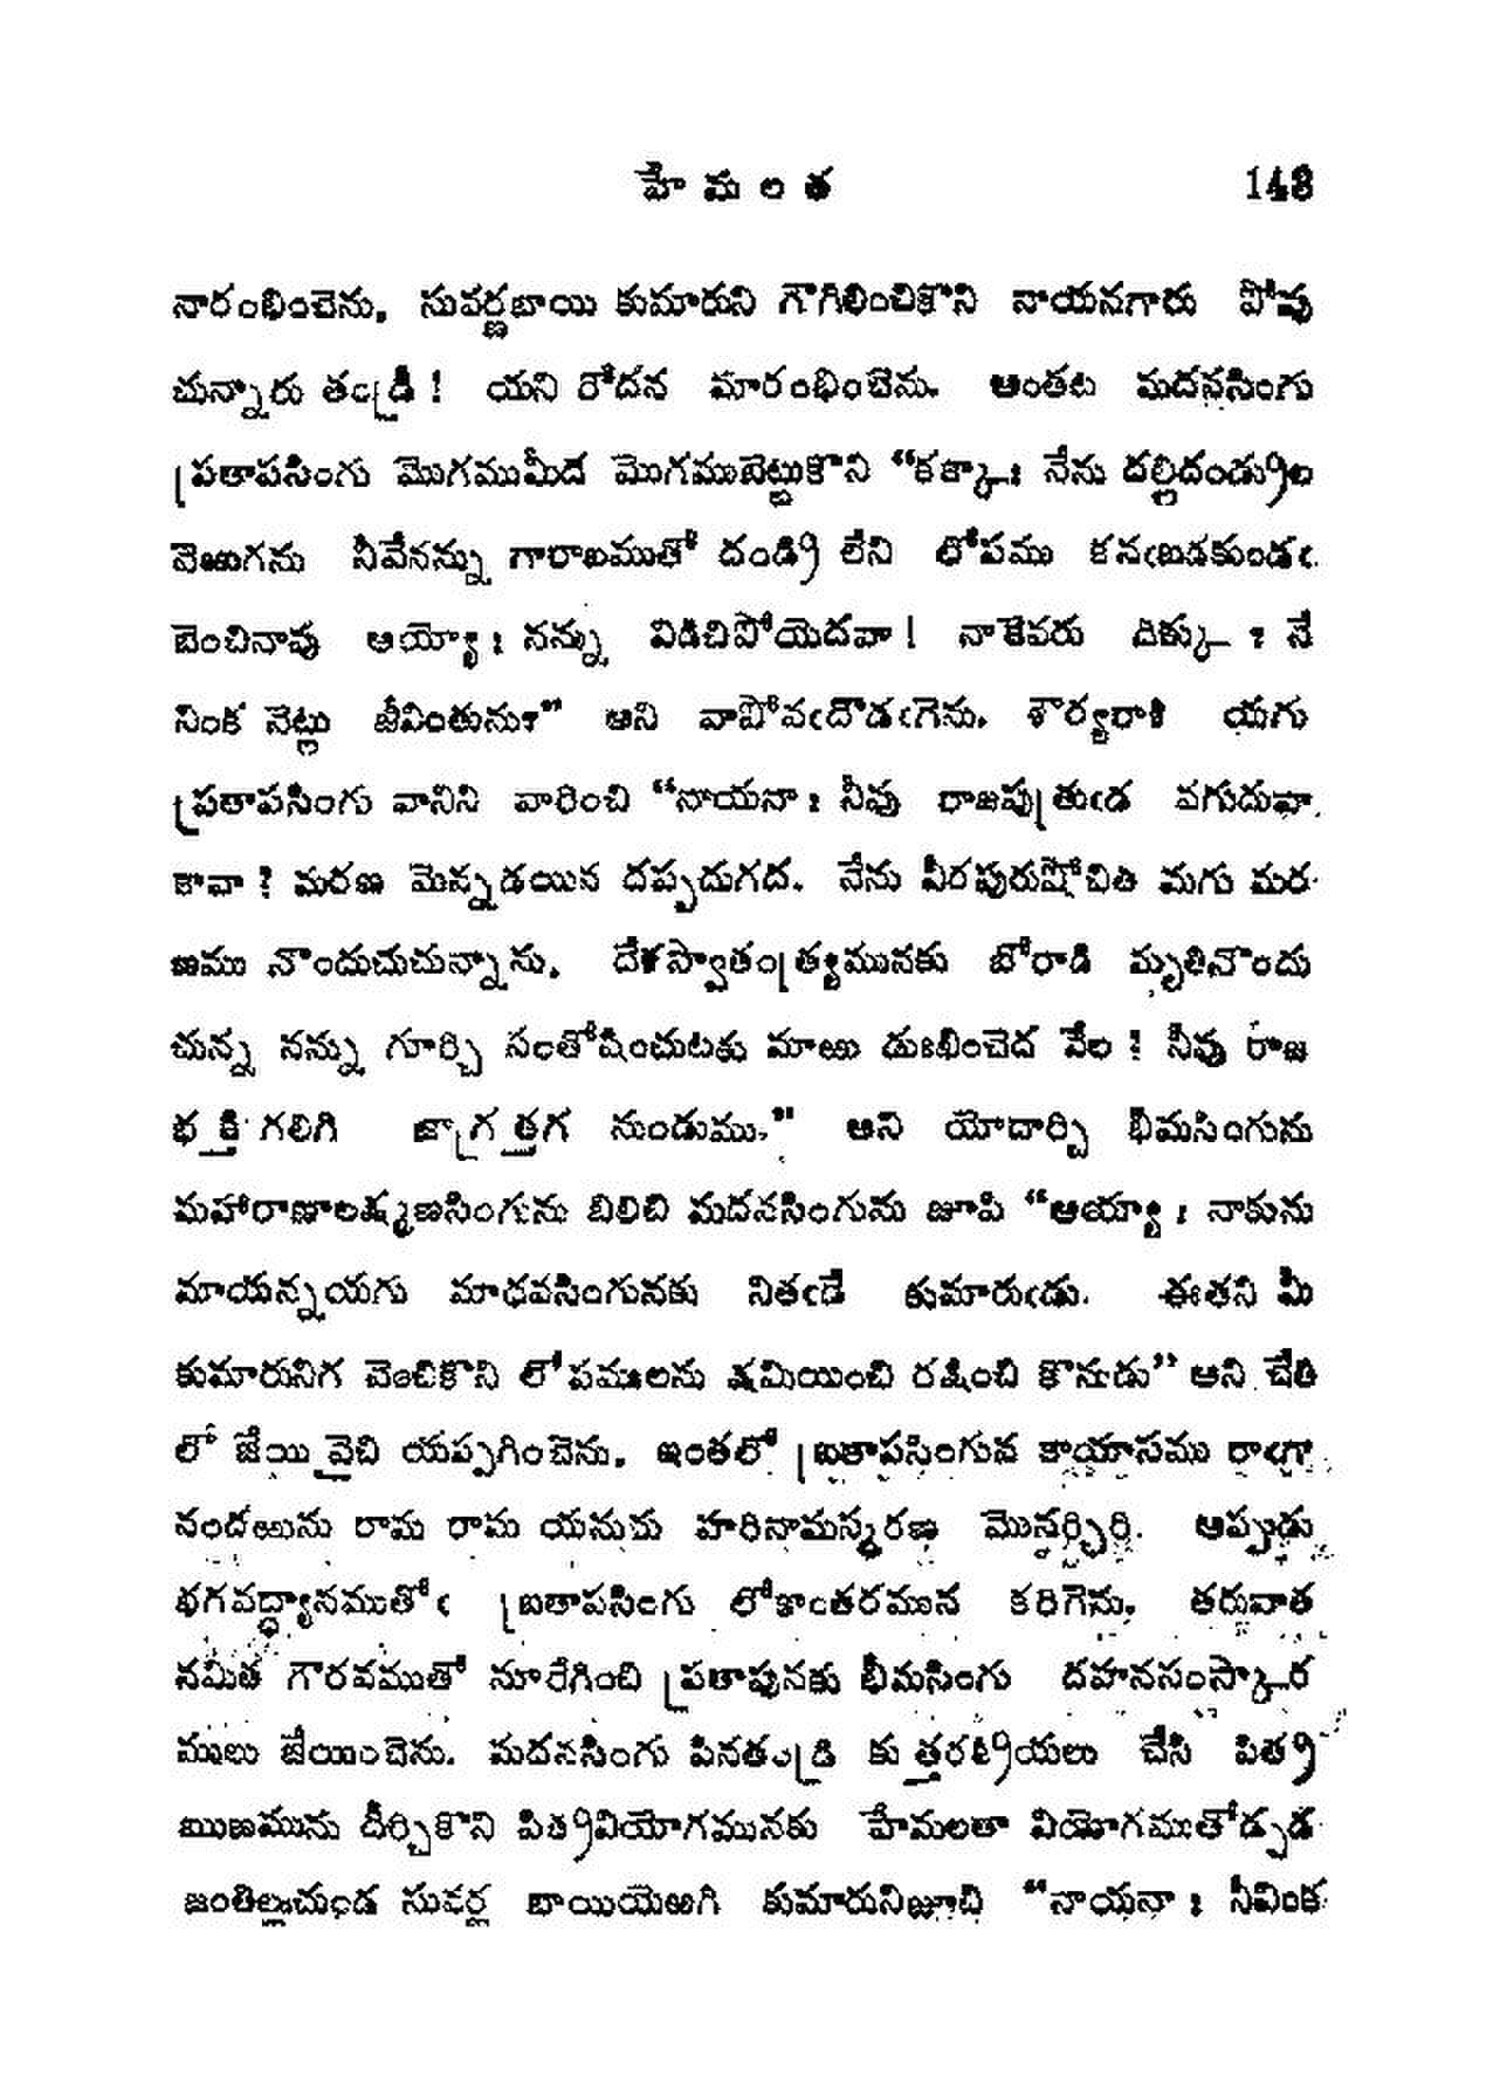నారంభించెను. సువర్ణబాయి కుమారుని గౌగిలించికొని నాయనగారు పోవుచున్నారు తండ్రీ! యని రోదన మారంభించెను. అంతట మదనసింగు ప్రతాపసింగు మొగము మీద మొగముబెట్టుకొని “కక్కా, నేను దల్లిదండ్రుల నెఱుగను. నీవేనన్ను గారాబముతో దండ్రి లేని లోపము కనఁబడకుండఁ బెంచినావు. అయ్యో! నన్ను విడిచిపోయెదవా! నాకెవరు దిక్కు? నే నింక నెట్లు జీవింతును?” అని వాపోవఁదొడఁగెను. శౌర్యరాశియగు ప్రతాపసింగు వానిని వారించి “నాయనా! నీవు రాజపుత్రుఁడ వగుదువా, కావా? మరణ మెన్నడయిన దప్పదుగద. నేను వీరపురుషోచితి మగు మరణము నొందుచుచున్నాను. దేశస్వాతంత్ర్యమునకు బోరాడి మృతినొందుచున్న నన్ను గూర్చి సంతోషించుటకు మాఱు దుఃఖించెద వేల? నీవు రాజభక్తి గలిగి జాగ్రత్తగ నుండుము.” అని యోదార్చి భీమసింగును మహారాణాలక్ష్మణసింగును బిలిచి మదనసింగును జూపి “అయ్యా! నాకును మాయన్నయగు మాధవసింగునకు నితఁడే కుమారుఁడు. ఈతని మీ కుమారునిగ నెంచికొని లోపములను క్షమియించి రక్షించి కొనుడు” అని చేతిలో జేయి వైచి యప్పగించెను. ఇంతలో బ్రతాపసింగున కాయాసము రాఁగా నందఱును రామ రామ యనుచు హరినామస్మరణ మొనర్చిరి. అప్పుడు భగవద్ధ్యానముతోఁ బ్రతాపసింగు లోకాంతరమున కరిగెను. తరువాత నమిత గౌరవముతో నూరేగించి ప్రతాపునకు భీమసింగు దహనసంస్కారములు జేయించెను. మదనసింగు పినతండ్రి కుత్తరక్రియలు చేసి పితృ ఋణమును దీర్చికొని పిత్రవియోగమునకు హేమలతా వియోగముతోడ్పడ జింతిల్లుచుండ సువర్ణ బాయియెఱిగి కుమారునిజూచి “నాయనా! నీవింక